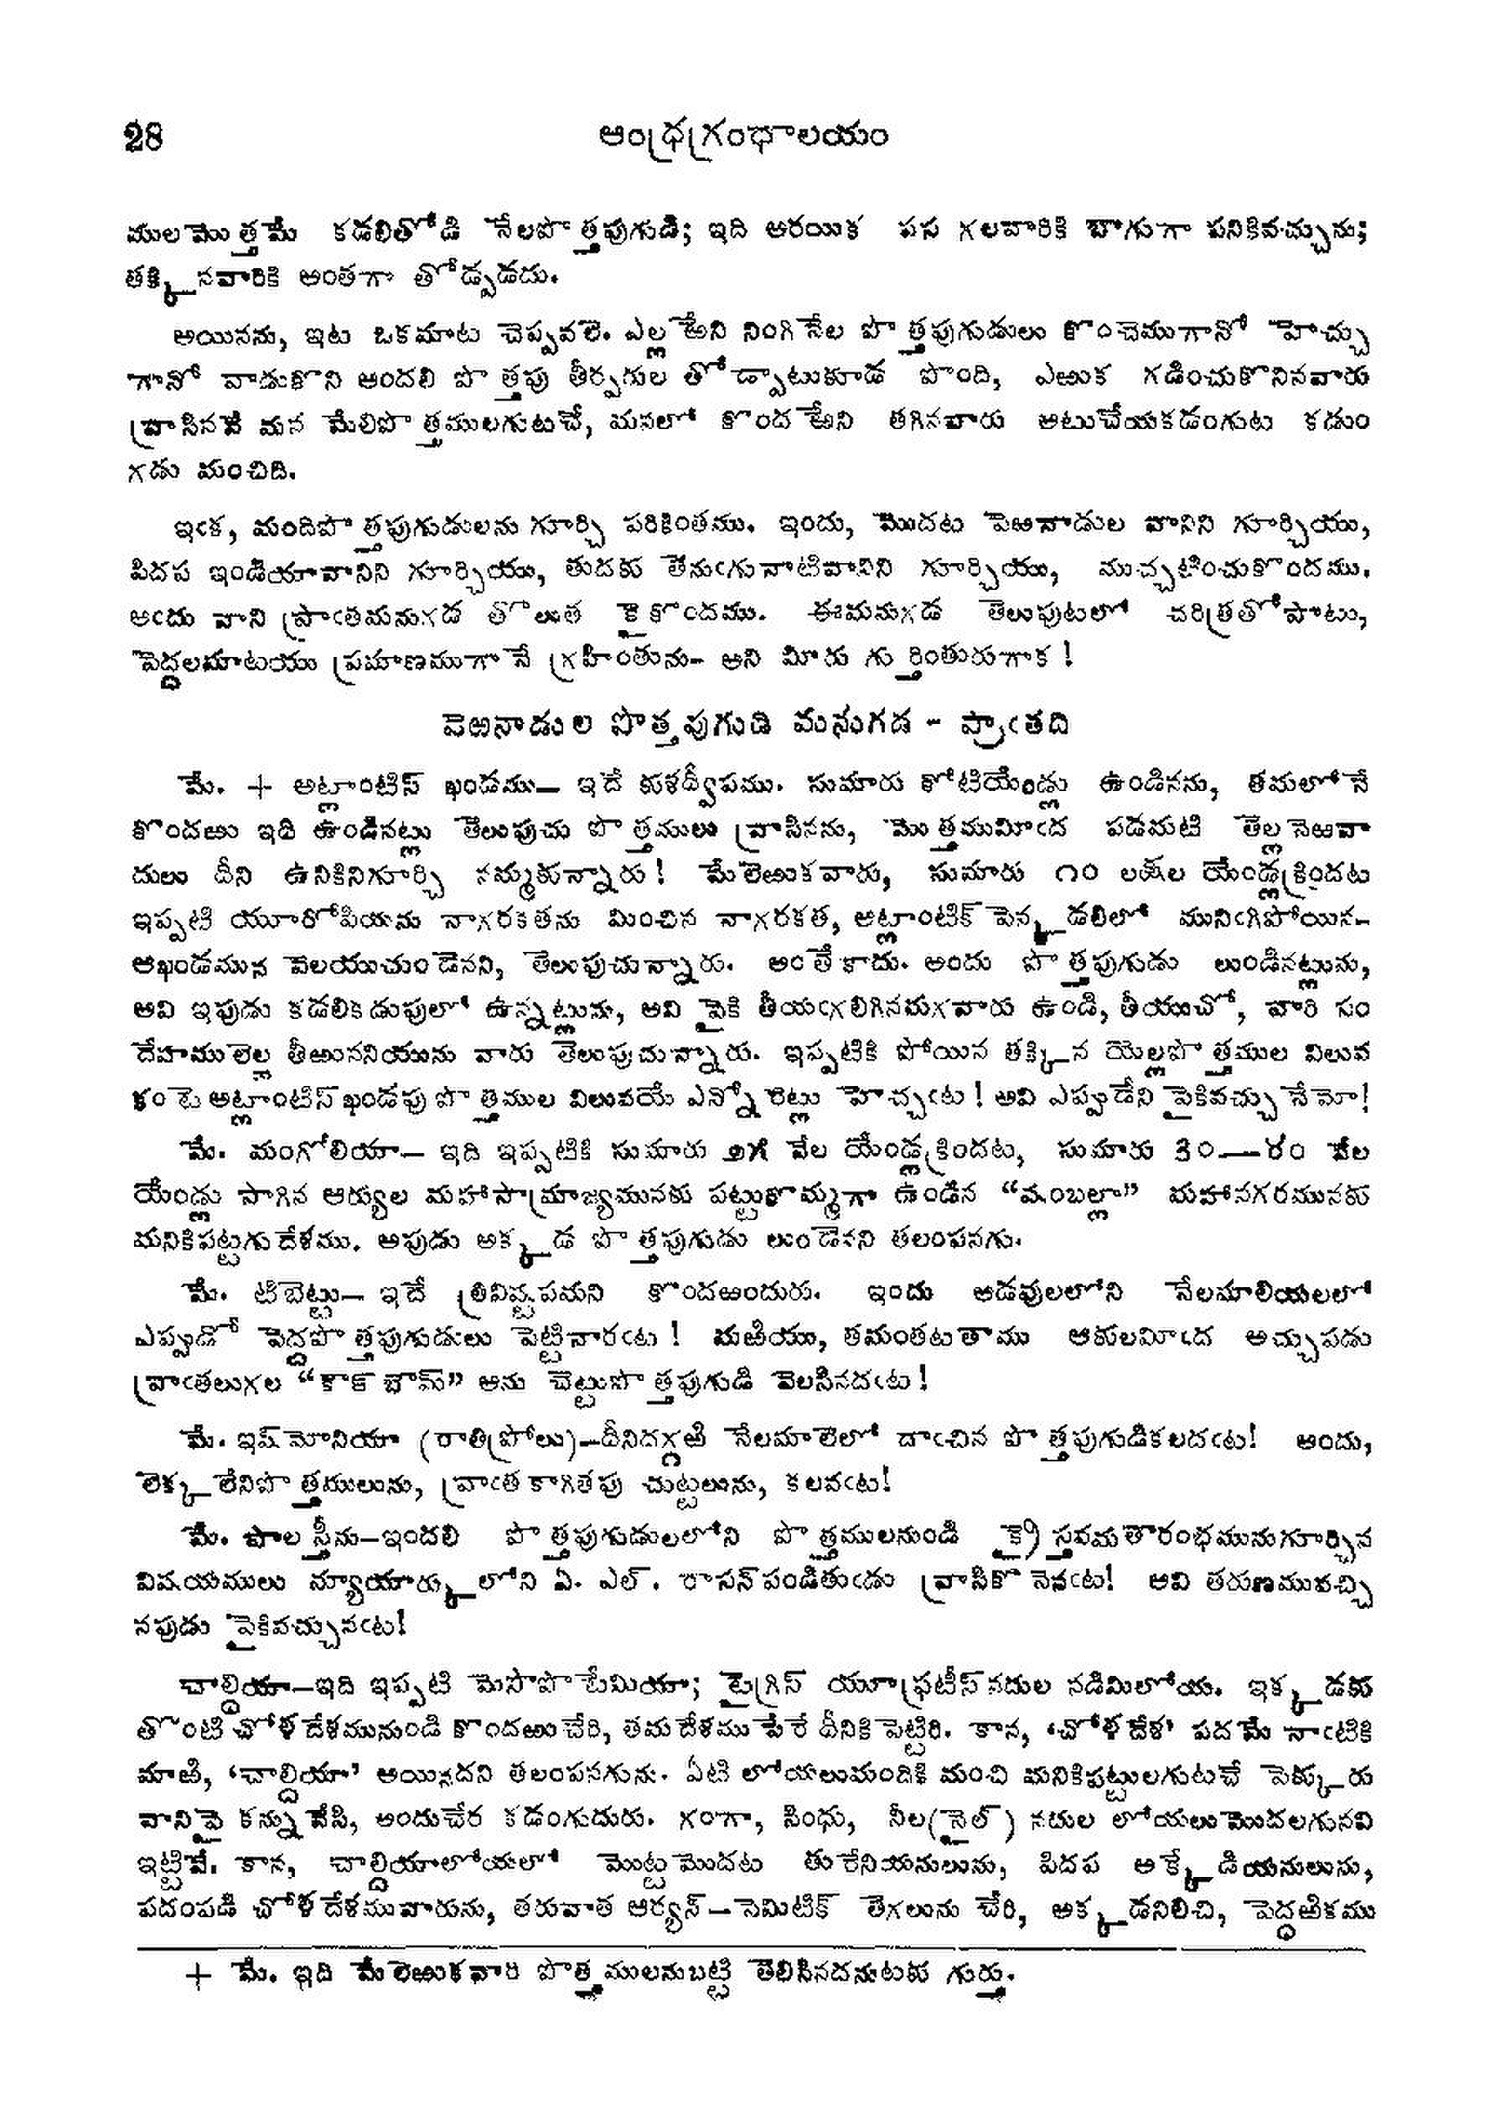ముల మొత్తమే కడలితోడి నేలపొత్తపుగుడి; ఇది ఆరయిక పస గలవారికి బాగుగా పనికివచ్చును; తక్కినవారికి అంతగా 
తోడ్పడదు.

అయినను, ఇట ఒక మాట చెప్పవలె. ఎల్ల అని నింగి నేల పొత్తపుగుడులు కొంచెముగానో హెచ్చుగానో వాడుకొని ఆందలి 
పొత్తపు తీర్పగుల తోడ్పాటుకూడ పొంది, ఎఱుక గడించుకొనినవారు వ్రాసినవే మన మేలిపొత్తములగుటచే, మనలో కొందని 
తగినవారు ఆటు చేయకడంగుట కడుంగడు మంచిది.

ఇఁక, మందిపొత్తపుగుడులను గూర్చి పరికింతము, ఇందు, మొదట పెఱనాడుల వానిని గూర్చియు, పిదప ఇండియావానిని 
గూర్చియు, తుదకు తెనుఁగు నాటివారిని గూర్చియు, ముచ్చటించుకొందము. అఁదు వాని ప్రాంతమనుగడ తొలుత కొందము. 
ఈమనుఁడ తెలుపుటలో చరిత్రతోపాటు, "పెద్దలమాటయు ప్రమాణముగానే గ్రహింతును - అని మీరు గుర్తింతురుగాక!

మే. అట్లాంటిస్ ఖండము- ఇదే కుశద్వీపము. సుమారు కోటియేండ్లు ఉండినను, తమలోనే కొందఱు ఇది ఉండినట్లు తెలుపుచు పొత్తములు వ్రాసినను, మొత్తముమీఁద పడమటి తెల్ల నెఱవాదులు దీని ఉనికిని గూర్చి నమ్ముకున్నారు! మేలెఱుకవారు, సుమారు
౧౦ లక్షల యేండ్ల క్రిందట ఇప్పటి యూరోపియను నాగరకతను మించిన నాగరకత, అట్లాంటిక్ పెన్కాడలిలో మునిఁగిపోయిన -
ఆఖండమున వెలయుచుండెనని, తెలుపుచున్నారు. అంతేకాదు. అందు పొత్తపుగుడు లుండినట్లును,అవి ఇపుడు కడలికడుపులో ఉన్నట్లును, అవి పైకి తీయఁగ లిగిన మగవారు ఉండి, తీయంచో, వారి సందేహము లెల్ల తీఱుసనియును వారు తెలుపుచున్నారు. ఇప్పటికి పోయిన తక్కిన యెల్లపొ త్తముల విలువకంటె అట్లాంటిస్ ఖండపు పొత్తముల విలువయే ఎన్నో రెట్లు హెచ్చఁట! 
అవి ఎప్పుడేని పైకివచ్చు నేమో!

మే. మంగోలియా — ఇది ఇప్పటికి సుమారు ౨౫ వేల యేండ్ల క్రిందట, సుమారు 3౦-౪౦ వేల యేండ్లు సాగిన ఆర్యుల మహాసామ్రాజ్యమునకు పట్టుబొమ్మగా ఉండిన "ష౦బల్లా" మహానగరమునకు మనికిపట్టగు దేశము. అపుడు అక్కడ పొత్తపుగుడు 
లుండెనని తలంపనగు.

మే. టిబెట్టు ఇదే త్రివిష్టపనుని కొందఱందురు. ఇందు అడవులలోని నేలమాలియలలో ఎప్పుడో పెద్దపొత్తపుగుడులు 
పెట్టినారఁట! మఱియు, తమంతటతాము ఆకులమీఁద అచ్చుపడు వ్రాఁతలుగల "కౌ౯ బౌమ్" అను చెట్టు పొత్తపుగుడి 
వెలసినదఁట!

మే. ఇష్ మోనియా (రాతిప్రోలు) - దీనిదగ్గఱి నేలమాలేలో దాఁచిన పొత్తపు గుడికలదఁట! అందు, లెక్క లేని పొత్తములును,
వ్రాత కాగితపు చుట్టలను, కలవఁట!

మే. పాలస్తీను - ఇందలి పొత్తపుగుడులలోని పొత్తములనుండి క్రిస్తవమతారంభమునుగూర్చిన విషయములు న్యూయార్కులోని
ఏ.ఎల్. రాసనపండితుఁడు వ్రాసికొనెనఁట! అవి తరుణమువచ్చినపుడు "పైకివచ్చునఁట!

చాల్దియా — ఇది ఇప్పటి మెసొపొటేమియా; టైగ్రిస్ యూఫ్రటీస్ నదుల నడిమిలోయ. ఇక్కడకు తొంటి చోళ దేశమునుండి 
కొందఱుచేరి, తమ దేశము పేరే దీనికి పెట్టిరి. కాన, చోళదేశ' పదమే నాఁటికి మాణి, 'చాల్దియా' అయినదని తలంపనగును. 
ఎటి లోయలుమందికి మంచి మనికిపట్టులగుటచే పెక్కురు వానిపై కన్ను చేసి, అందుచేర కడంగుదురు. గంగా, సింధు, 
నీల(నైల్) నదుల లోయలు మొదలగునవి ఇట్టివే. కాన, చాల్దియాలోయలో మొట్టమొదట తురేనియనులును, పిదప 
అక్కేడియనులును, పదంపడి చోళదేశము వారును, తరువాత ఆర్యన్- సెమిటిక్ తెగలును చేరి, అక్కడనిలిచి, పెద్దఱికము